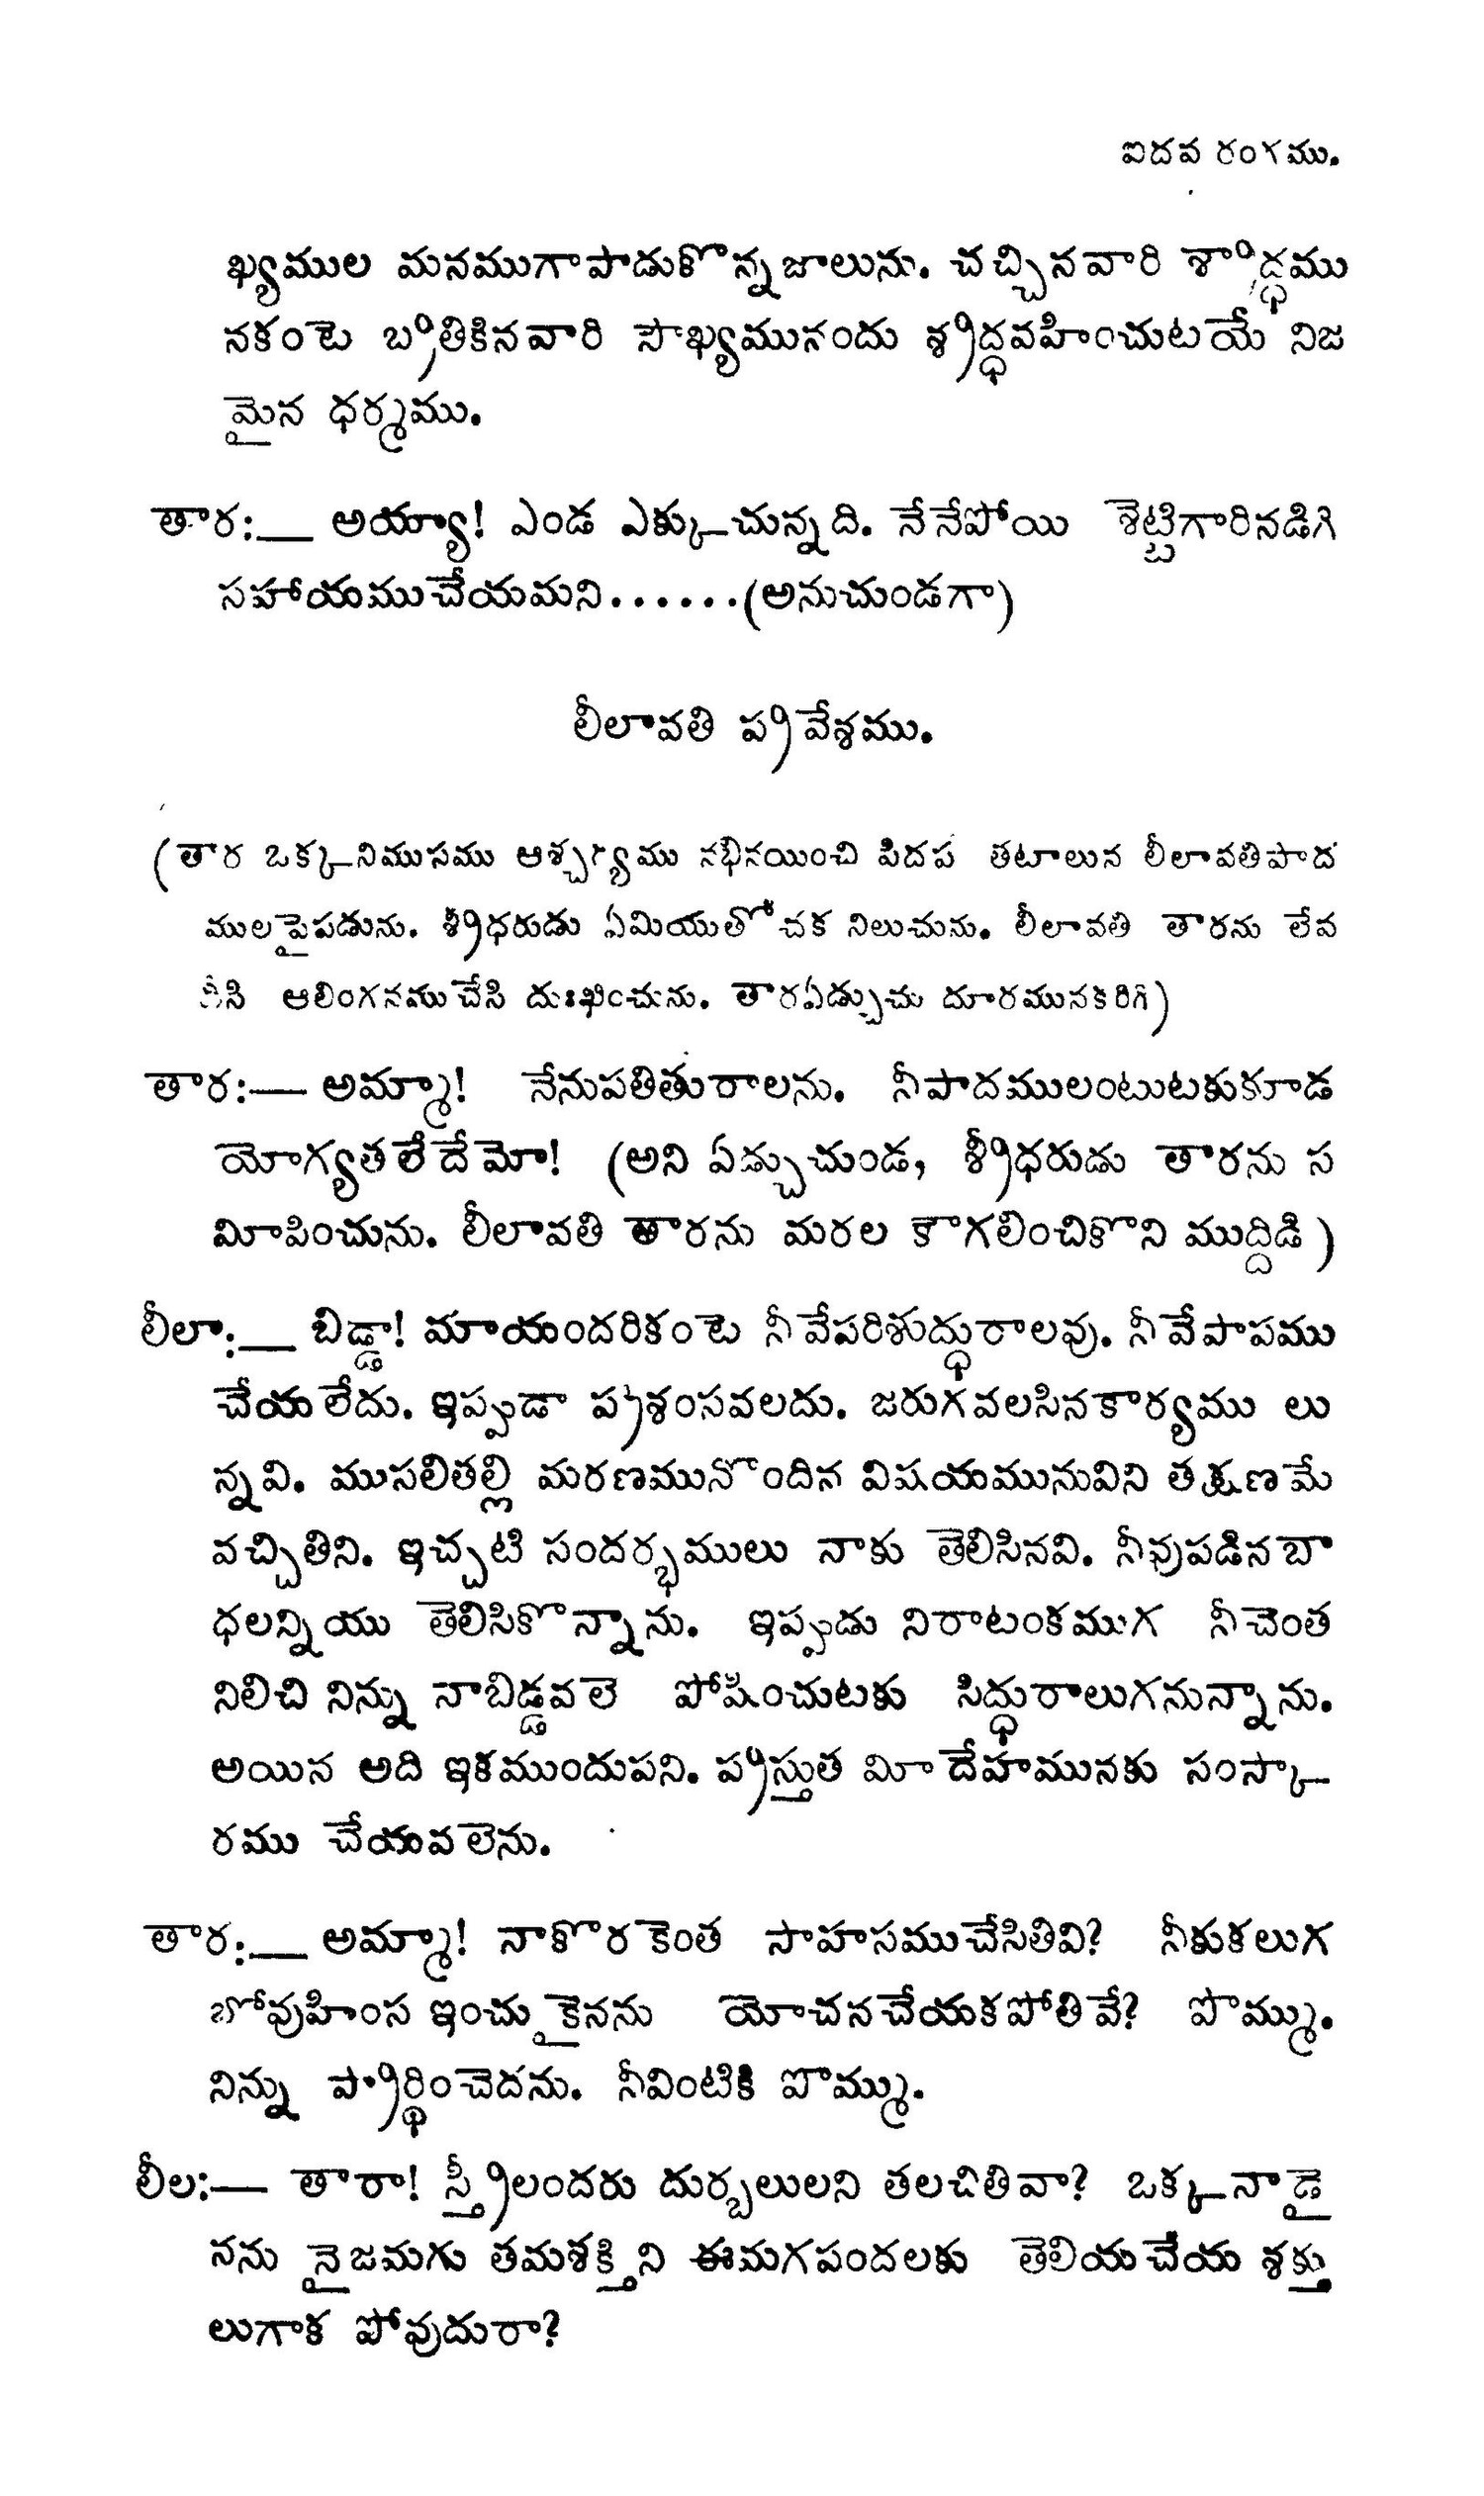ఖ్యముల మనము గాపాడుకొన్నజాలును. చచ్చినవారి శార్ధమునకంటె బ్రతికినవారి సౌఖ్యమునందు శ్రద్దవహించుటయే నిజమైన ధర్మము.

తార:-అయ్యా! ఎండ ఎక్కుచున్నది. నేనేపోయి శెట్టిగారి నడిగి సహాయము చేయమని.....(అనుచుండగా)

(తార ఒక్కనిముసము ఆశ్చర్యము నభినయించి పిదప తటాలున లీలావతిపాదములపైబడును. శ్రీధరుడు ఏమియుతొచక నిలుచును. లీలావతి తారను సమీపించును. లీలావతి తారను మరల కౌగలించికొని ముద్దిడి)

లీలా:- బిడ్డా! మాయందరికంటే నీవే పరిశుద్ధురాలవు, నీవేపాపముచేయలేదు. ఇప్పుడ ప్రశంసవలదు. జరుగవలసిన కార్యములున్నవి. ముసలితల్లి మరణమునొందిన విషయమునువిని తక్షణమే వచ్చితిని. ఇచ్చటి సందర్భములు నాకు తెలిసినవి. నీవుపడిన బాధలన్నియు తెలిసికొన్నాను. ఇప్పుదు నిరాటంకముగ నీచెంత నిన్ను నాబిడ్డవలె పొషించుటకు సిద్దురాలుగనున్నాను. అది ఇకముందుపని, ప్రస్తుత మీదేహమునకు సంస్కారము చేయవలెను.

తార:-అమ్మా! నాకొరకెంత సాహసముచేసితివి? నీకుకలుగబొవుహింస ఇందుకైనను యొచనచేయక పొతివే? పొమ్ము నిన్ను ప్రార్ధించెదను. నీవింటికి పొమ్ము.

లీలా:-తారా! స్త్రీలందరు దుర్బలులని తలచితివా? ఒక్కనాడైనను తమశక్తిని ఈమగపందలకు తెలియచేయ శక్తులుగాక పొవుదురా?